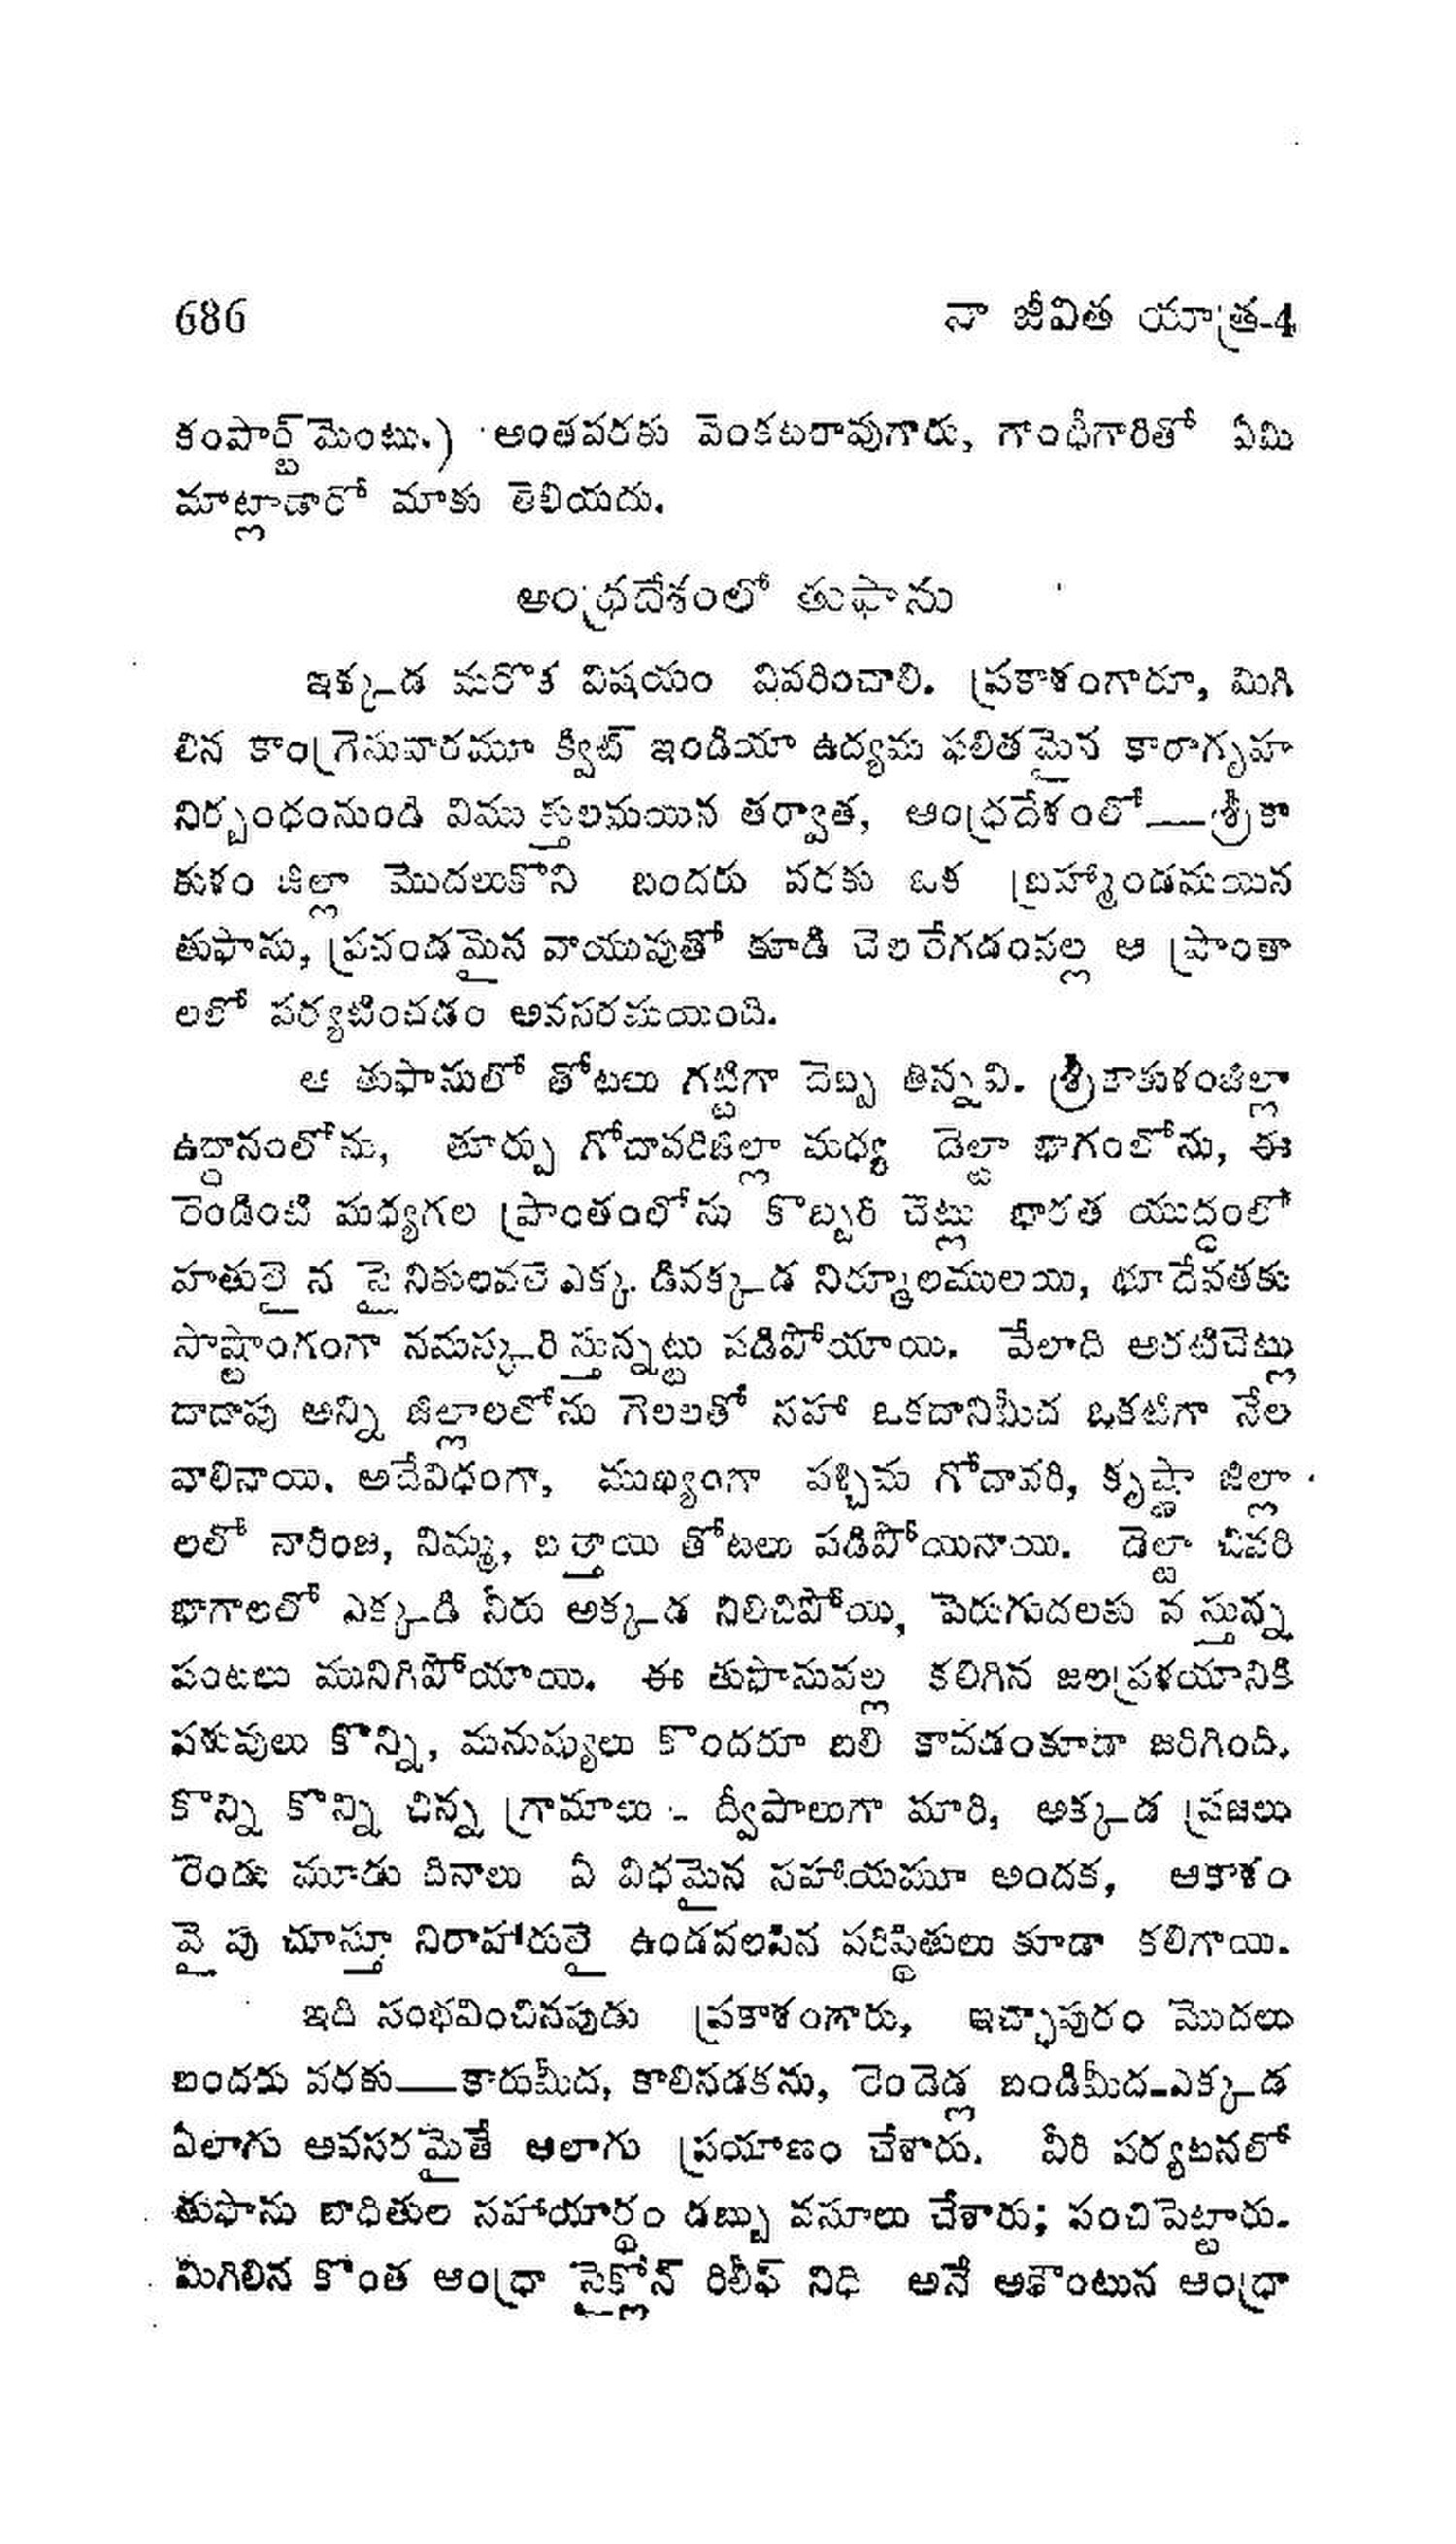కంపార్ట్‌మెంటు.) అంతవరకు వెంకటరావుగారు, గాంధీగారితో ఏమి మాట్లాడారో మాకు తెలియదు.

ఇక్కడ మరొక విషయం వివరించాలి. ప్రకాశంగారూ, మిగిలిన కాంగ్రెసువారమూ క్విట్‌ ఇండియా ఉద్యమ ఫలితమైన కారాగృహ నిర్భంధంనుండి విముక్తులమయిన తర్వాత, ఆంధ్రదేశంలో - శ్రీకాకుళం జిల్లా మొదలుకొని బందరు వరకు ఒక బ్రహ్మాండమయిన తుఫాను, ప్రచండమైన వాయువుతో కూడి చెలరేగడంవల్ల ఆ ప్రాంతాలలో పర్యటించడం అవసరమయింది.

ఆ తుఫానులో తోటలు గట్టిగా దెబ్బ తిన్నవి. శ్రీకాకుళంజిల్లా ఉద్దానంలోను, తూర్పు గోదావరిజిల్లా మధ్య డెల్టా భాగంలోను, ఈ రెండింటి మధ్యగల ప్రాంతంలోను కొబ్బరి చెట్లు భారత యుద్ధంలో హతులైన సైనికులవలె ఎక్కడివక్కడ నిర్మూలములయి, భూదేవతకు సాష్టాంగంగా నమస్కరిస్తున్నట్టు పడిపోయాయి. వేలాది అరటిచెట్లు దాదాపు అన్ని జిల్లాల లోను గెలలతో సహా ఒకదానిమీద ఒకటిగా నేల వాలినాయి. అదేవిధంగా, ముఖ్యంగా పశ్చిమ గోదావరి, కృష్ణా జిల్లాలలో నారింజ, నిమ్మ, బత్తాయి తోటలు పడిపోయినాయి. డెల్టా చివరి భాగాలలో ఎక్కడి నీరు అక్కడ నిలిచిపోయి, పెరుగుదలకు వస్తున్న పంటలు మునిగిపోయాయి. ఈ తుఫానువల్ల కలిగిన జలప్రళయానికి పశువులు కొన్ని, మనుష్యులు కొందరూ బలి కావడంకూడా జరిగింది. కొన్ని కొన్ని చిన్న గ్రామాలు - ద్వీపాలుగా మారి, అక్కడ ప్రజలు రెండు మూడు దినాలు ఏ విధమైన సహాయము అందక, ఆకాశం వైపు చూస్తూ నిరాహారులై ఉండవలసిన పరిస్థితులు కూడా కలిగాయి.

ఇది సంభవించినపుడు ప్రకాశంగారు, ఇచ్ఛాపురం మొదలు బందరు వరకు - కారుమీద, కాలినడకను, రెండెడ్ల బండిమీద - ఎక్కడ ఏలాగు అవసరమైతే ఆలాగు ప్రయాణం చేశారు. వీరి పర్యటనలో తుఫాను బాధితుల సహాయార్థం డబ్బు వసూలు చేశారు; పంచిపెట్టారు. మిగిలిన కొంత ఆంధ్రా సైక్లోన్ రిలీఫ్ నిధి అనే అకౌంటున ఆంధ్రా